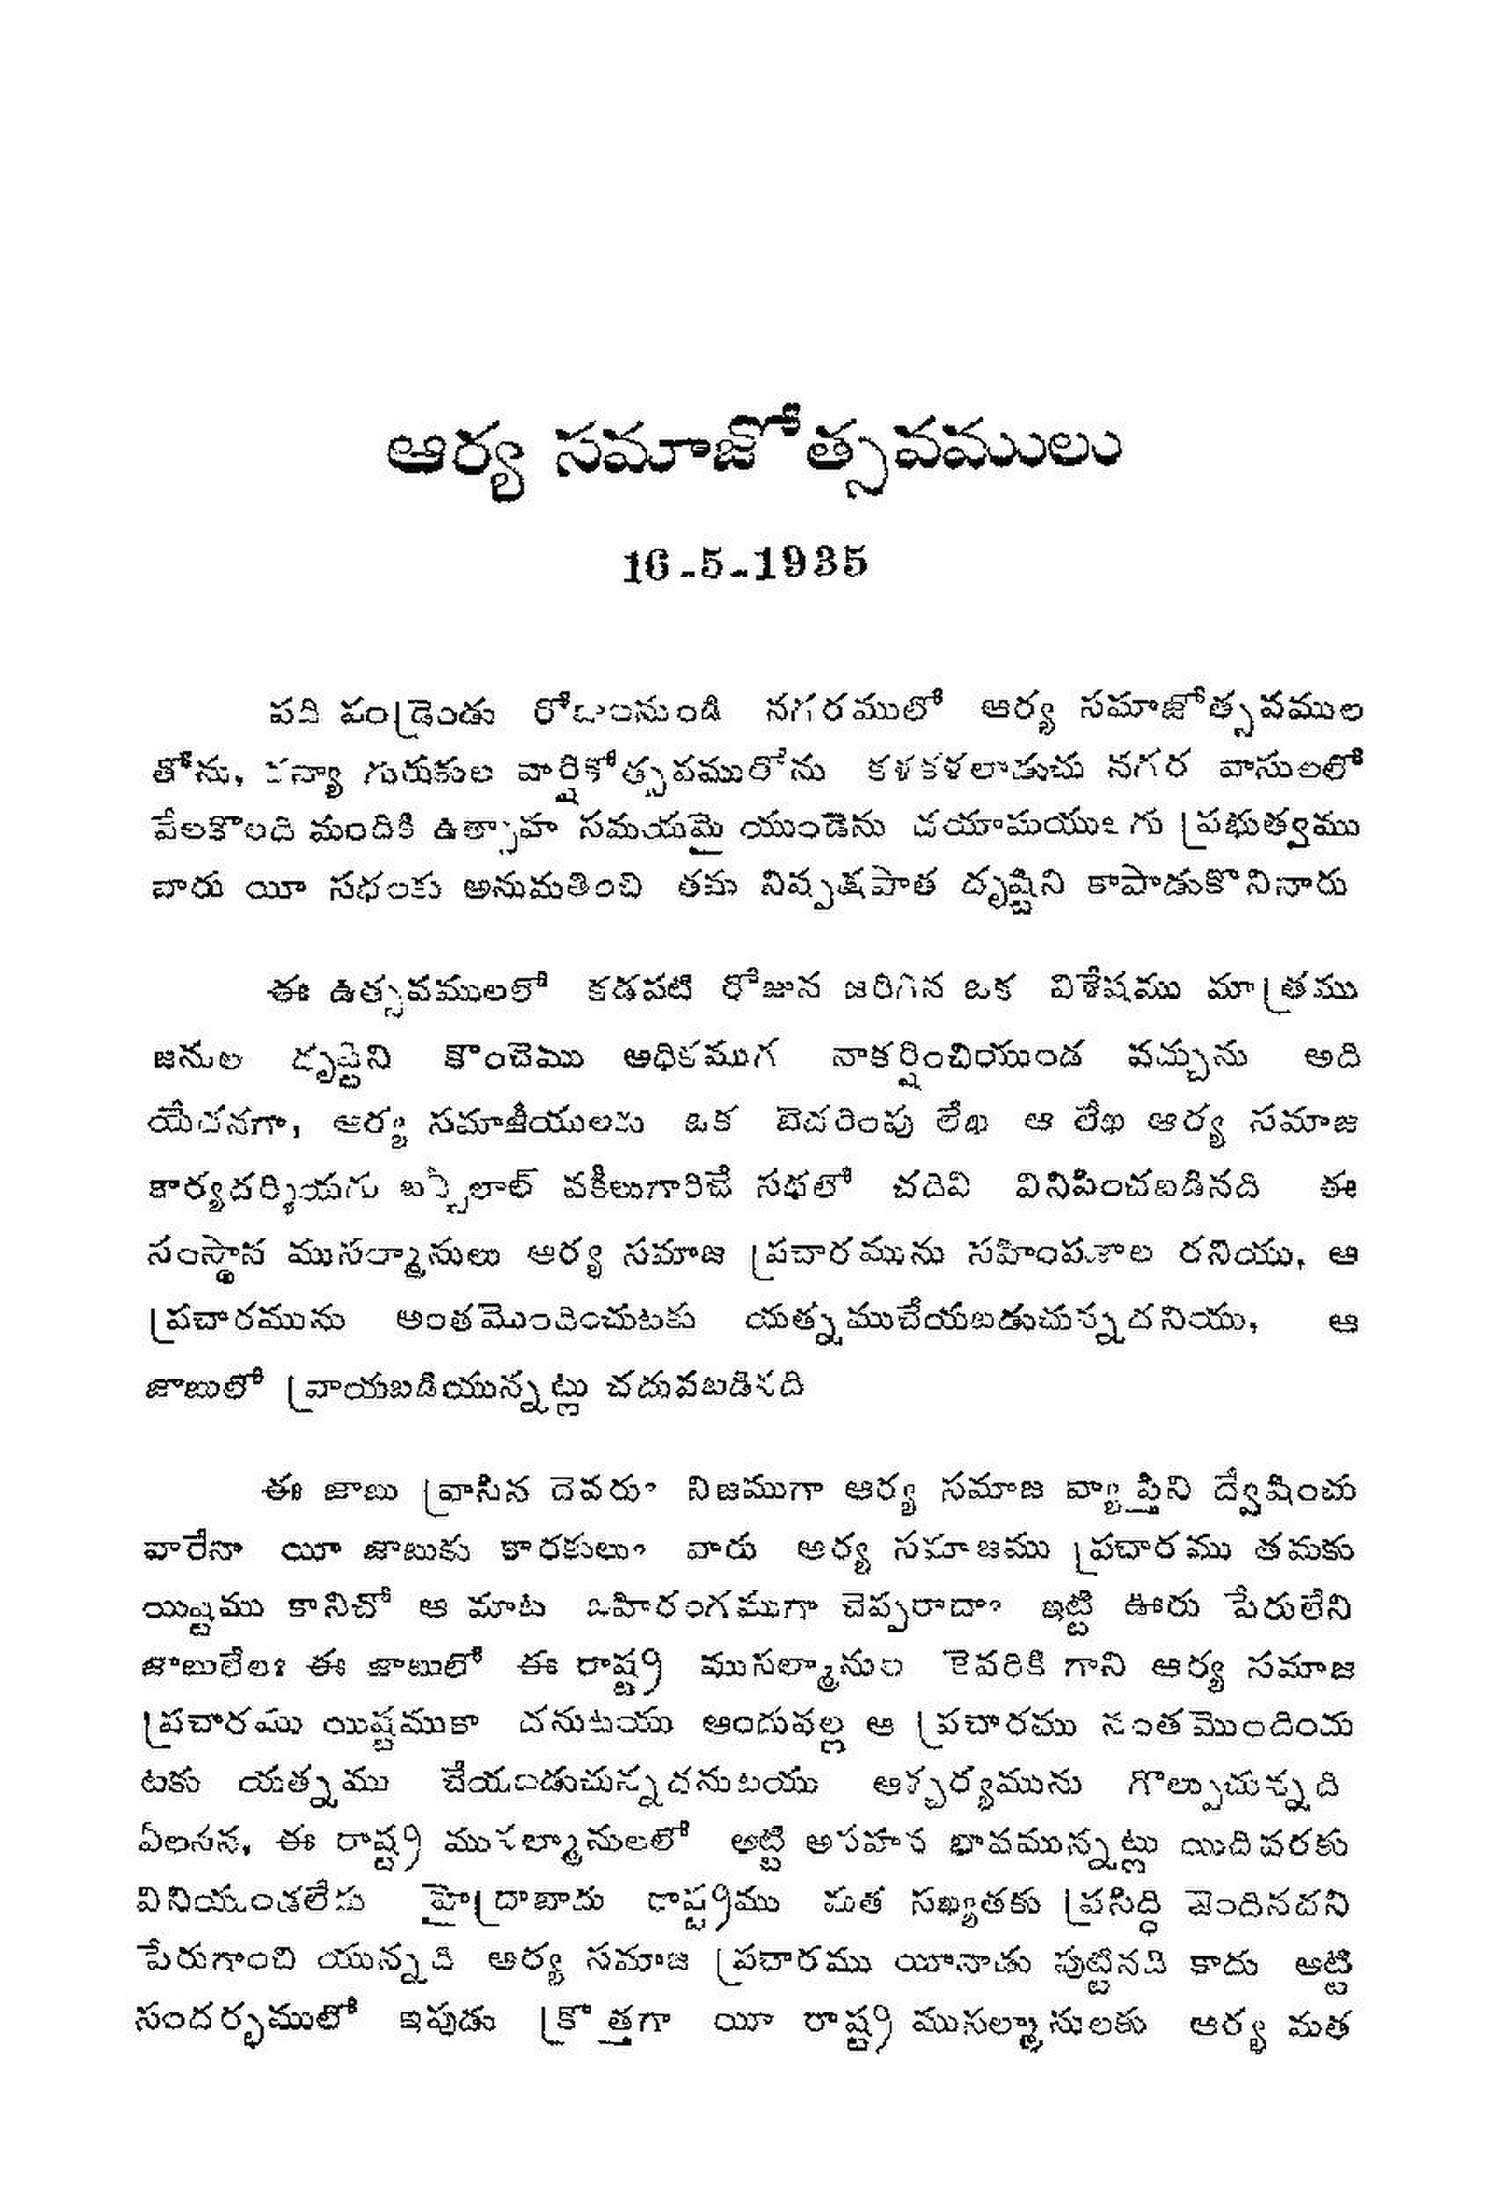ఆర్య సమాజోత్సవములు

16 - 5 - 1935

పది పండ్రెండు రోజులనుండి నగరములో ఆర్య సమాజోత్సవములతోను, కన్యా గురుకుల వార్షికోత్సవముతోను కళకళలాడుచు నగర వాసులలో వేలకొలది మందికి ఉత్సాహ సమయమై యుండెను దయామయులగు ప్రభుత్వము
వారు యీ సభలకు అనుమతించి తమ నిష్పక్షపాత దృష్టిని కాపాడుకొనినారు

ఈ ఉత్సవములలో కడపటి రోజున జరిగిన ఒక విశేషము మాత్రము జనుల దృష్టిని కొంచెము అధికముగ నాకర్షించియుండ వచ్చును అది యేదనగా, ఆర్య సమాజీయులకు ఒక బెదరింపు లేఖ ఆ లేఖ ఆర్య సమాజకార్యదర్శియగు బన్సీలాల్ వకీలుగారిచే సభలో చదివి వినిపించబడినది ఈ సంస్థాన ముసల్మానులు ఆర్య సమాజ ప్రచారమును సహింపజాల రనియు, ఆ ప్రచారమును అంతమొందించుటకు యత్నముచేయబడుచున్నదనియు, ఆ
జాబులో వ్రాయబడియున్నట్లు చదువబడినది

ఈ జాబు వ్రాసిన దెవరు? నిజముగా ఆర్య సమాజ వ్యాప్తిని ద్వేషించువారేనా యీ జాబుకు కారకులు? వారు ఆర్య సమాజము ప్రచారము తమకు యిష్టము కానిచో ఆ మాట బహిరంగముగా చెప్పరాదా? ఇట్టి ఊరు పేరులేని జాబులేల? ఈ జాబులో ఈ రాష్ట్ర ముసల్మానుల కెవరికి గాని ఆర్య సమాజ ప్రచారము యిష్టముకా దనుటయు అందువల్ల ఆ ప్రచారము నంతమొందించుటకు యత్నము చేయబడుచున్నదనుటయు ఆశ్చర్యమును గొల్పుచున్నది
ఏలనన, ఈ రాష్ట్ర ముసల్మానులలో అట్టి అసహన భావమున్నట్లు యిదివరకు వినియుండలేదు హైద్రాబాదు రాష్ట్రము మత సఖ్యతకు ప్రసిద్ధి చెందినదని పేరుగాంచి యున్నది ఆర్య సమాజ ప్రచారము యీనాడు పుట్టినది కాదు అట్టి సందర్భములో ఇపుడు క్రొత్తగా యీ రాష్ట్ర ముసల్మానులకు ఆర్య మత